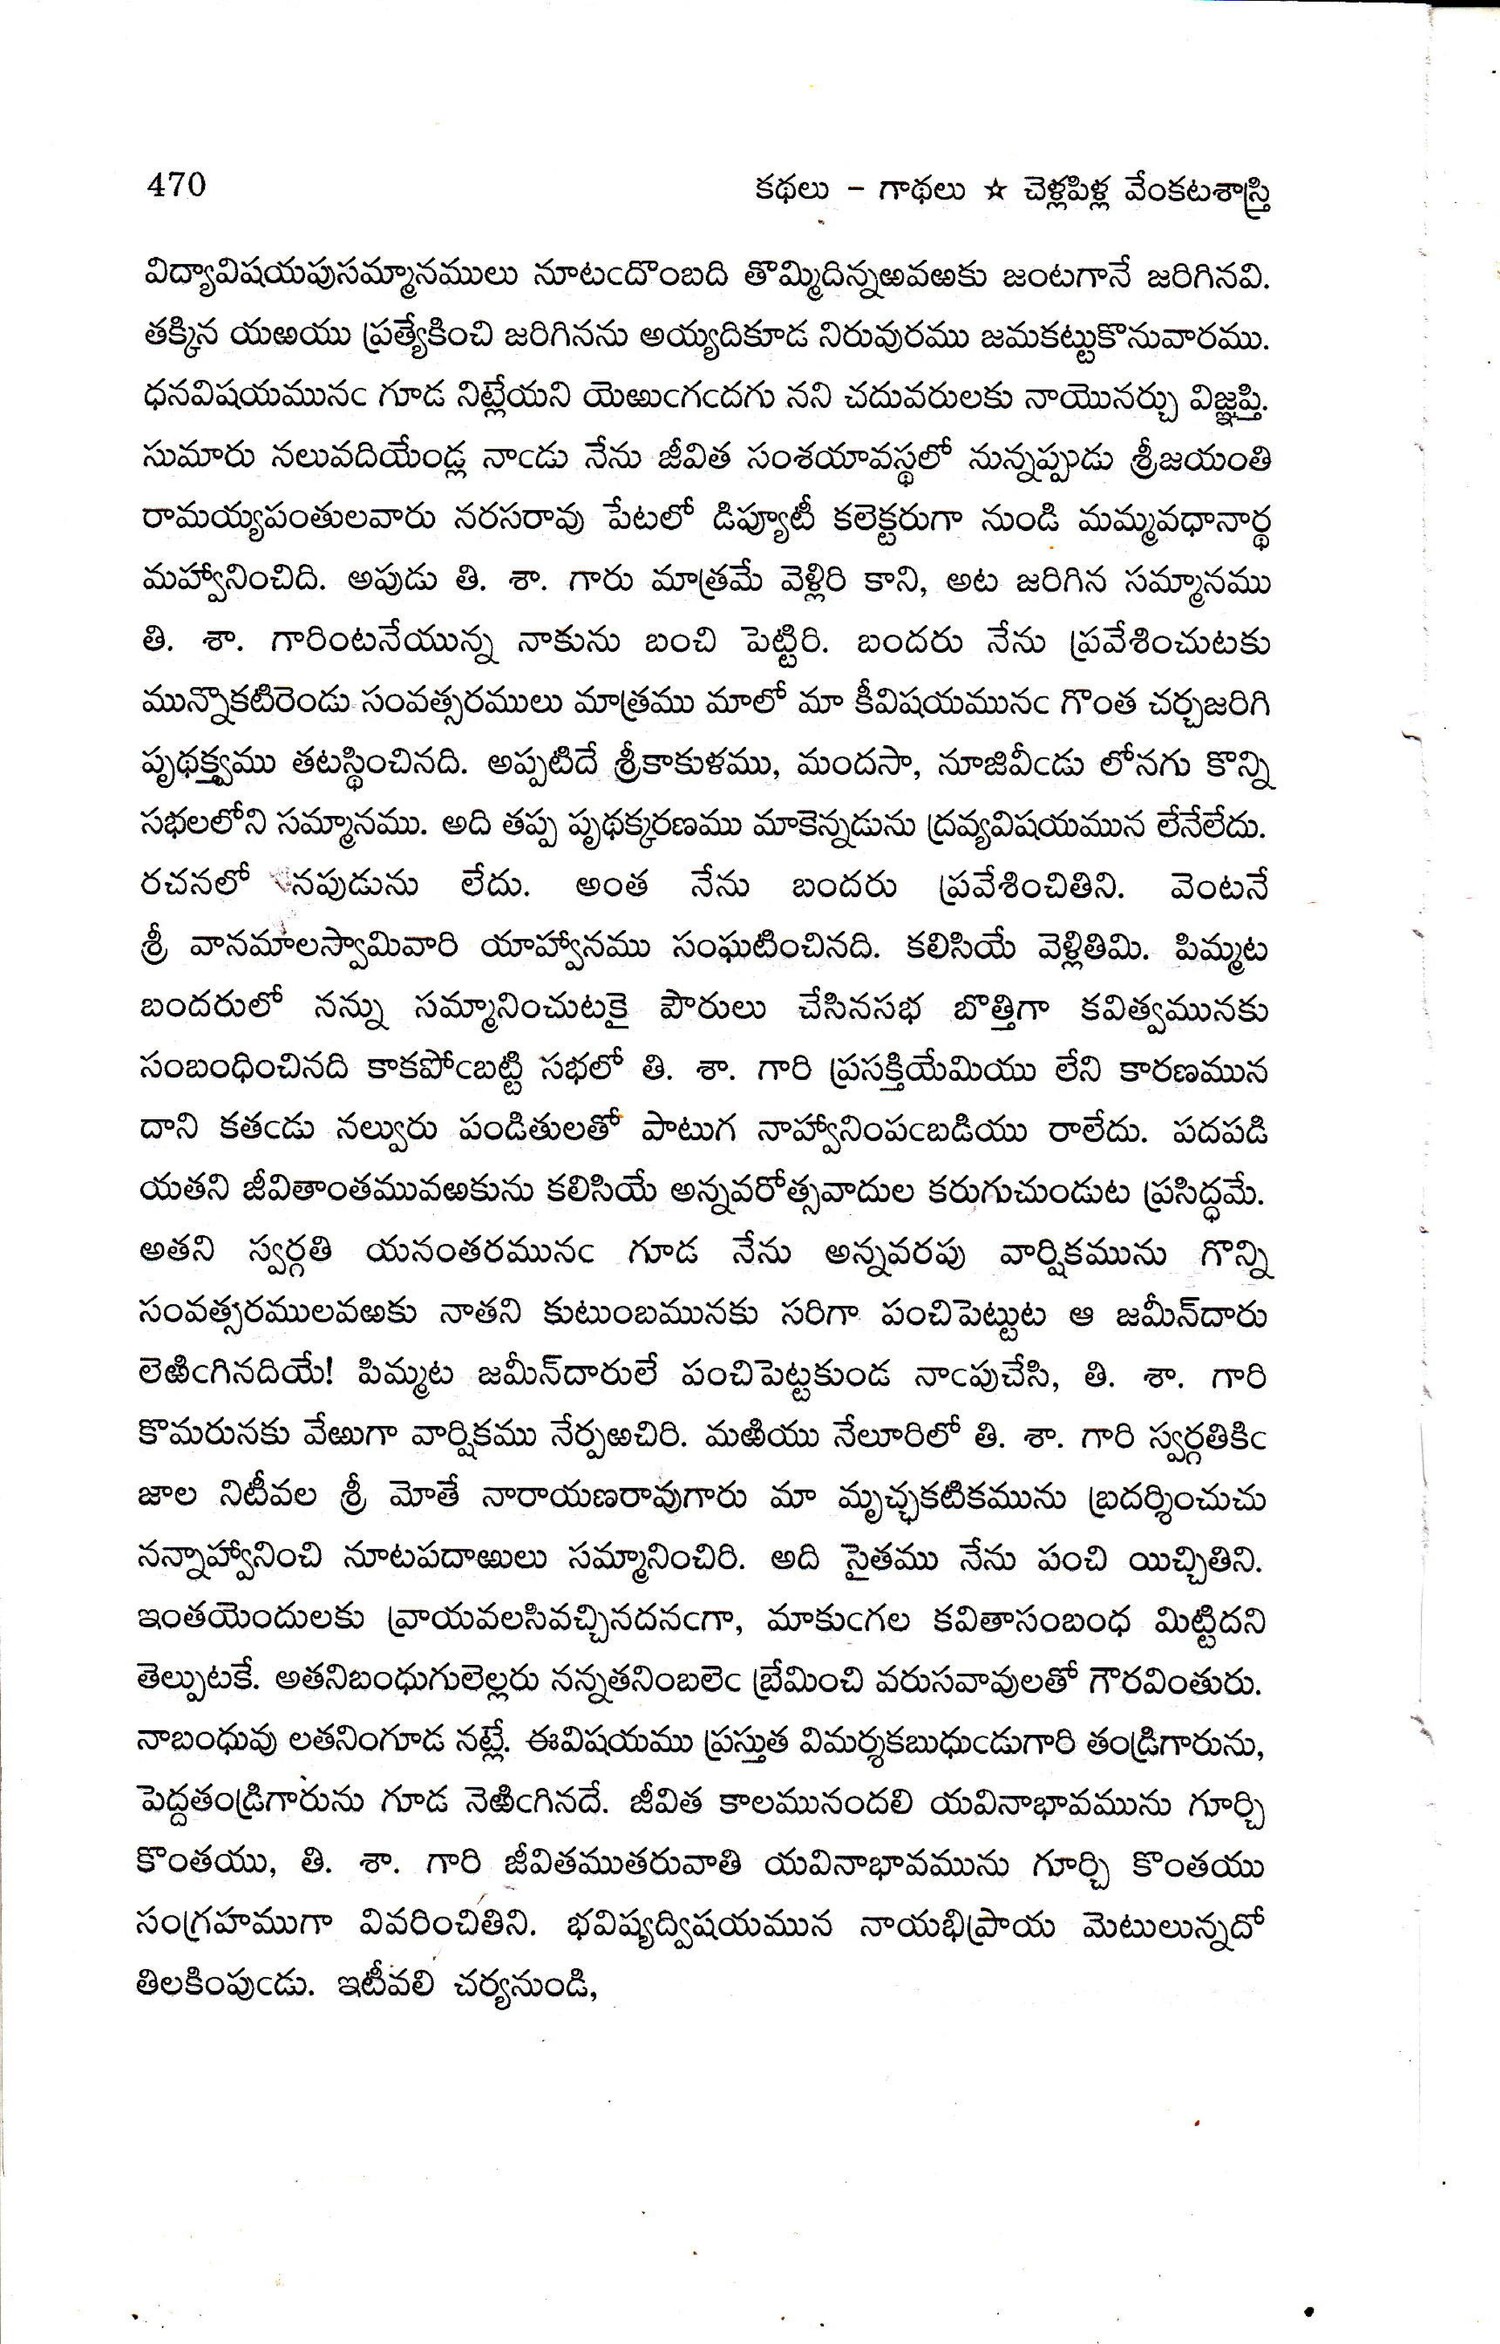విద్యావిషయపుసమ్మానములు నూటఁదొంబది తొమ్మిదిన్నఱవఱకు జంటగానే జరిగినవి. తక్కిన యఱయు ప్రత్యేకించి జరిగినను అయ్యదికూడ నిరువురము జమకట్టుకొనువారము. ధనవిషయమునఁ గూడ నిట్లేయని యెఱుఁగఁదగు నని చదువరులకు నాయొనర్చు విజ్ఞప్తి. సుమారు నలువదియేండ్ల నాఁడు నేను జీవిత సంశయావస్థలో నున్నప్పుడు శ్రీజయంతి రామయ్యపంతులవారు నరసరావు పేటలో డిప్యూటీ కలెక్టరుగా నుండి మమ్మవధానార్థ మహ్వానించిది. అపుడు తి. శా. గారు మాత్రమే వెళ్లిరి కాని, అట జరిగిన సమ్మానము తి. శా. గారింటనేయున్న నాకును బంచి పెట్టిరి. బందరు నేను ప్రవేశించుటకు మున్నొకటిరెండు సంవత్సరములు మాత్రము మాలో మా కీవిషయమునఁ గొంత చర్చజరిగి పృథక్త్వము తటస్థించినది. అప్పటిదే శ్రీకాకుళము, మందసా, నూజివీఁడు లోనగు కొన్ని సభలలోని సమ్మానము. అది తప్ప పృథక్కరణము మాకెన్నడును ద్రవ్యవిషయమున లేనేలేదు. రచనలో నపుడును లేదు. అంత నేను బందరు ప్రవేశించితిని. వెంటనే శ్రీ వానమాలస్వామివారి యాహ్వానము సంఘటించినది. కలిసియే వెళ్లితిమి. పిమ్మట బందరులో నన్ను సమ్మానించుటకై పౌరులు చేసినసభ బొత్తిగా కవిత్వమునకు సంబంధించినది కాకపోఁబట్టి సభలో తి. శా. గారి ప్రసక్తియేమియు లేని కారణమున దాని కతఁడు నల్వురు పండితులతో పాటుగ నాహ్వానింపఁబడియు రాలేదు. పదపడి యతని జీవితాంతమువఱకును కలిసియే అన్నవరోత్సవాదుల కరుగుచుండుట ప్రసిద్ధమే. అతని స్వర్గతి యనంతరమునఁ గూడ నేను అన్నవరపు వార్షికమును గొన్ని సంవత్సరములవఱకు నాతని కుటుంబమునకు సరిగా పంచిపెట్టుట ఆ జమీన్‌దారు లెఱిఁగినదియే! పిమ్మట జమీన్‌దారులే పంచిపెట్టకుండ నాఁపుచేసి, తి. శా. గారి కొమరునకు వేఱుగా వార్షికము నేర్పఱచిరి. మఱియు నేలూరిలో తి. శా. గారి స్వర్గతికిఁ జాల నిటీవల శ్రీ మోతే నారాయణరావుగారు మా మృచ్ఛకటికమును బ్రదర్శించుచు నన్నాహ్వానించి నూటపదాఱులు సమ్మానించిరి. అది సైతము నేను పంచి యిచ్చితిని. ఇంతయెందులకు వ్రాయవలసివచ్చినదనఁగా, మాకుఁగల కవితాసంబంధ మిట్టిదని తెల్పుటకే. అతనిబంధుగులెల్లరు నన్నతనింబలెఁ బ్రేమించి వరుసవావులతో గౌరవింతురు. నాబంధువు లతనింగూడ నట్లే, ఈవిషయము ప్రస్తుత విమర్శకబుధుఁడుగారి తండ్రిగారును, పెద్దతండ్రిగారును గూడ నెఱిఁగినదే. జీవిత కాలమునందలి యవినాభావమును గూర్చి కొంతయు, తి. శా. గారి జీవితముతరువాతి యవినాభావమును గూర్చి కొంతయు సంగ్రహముగా వివరించితిని. భవిష్యద్విషయమున నాయభిప్రాయ మెటులున్నదో తిలకింపుఁడు. ఇటీవలి చర్యనుండి,